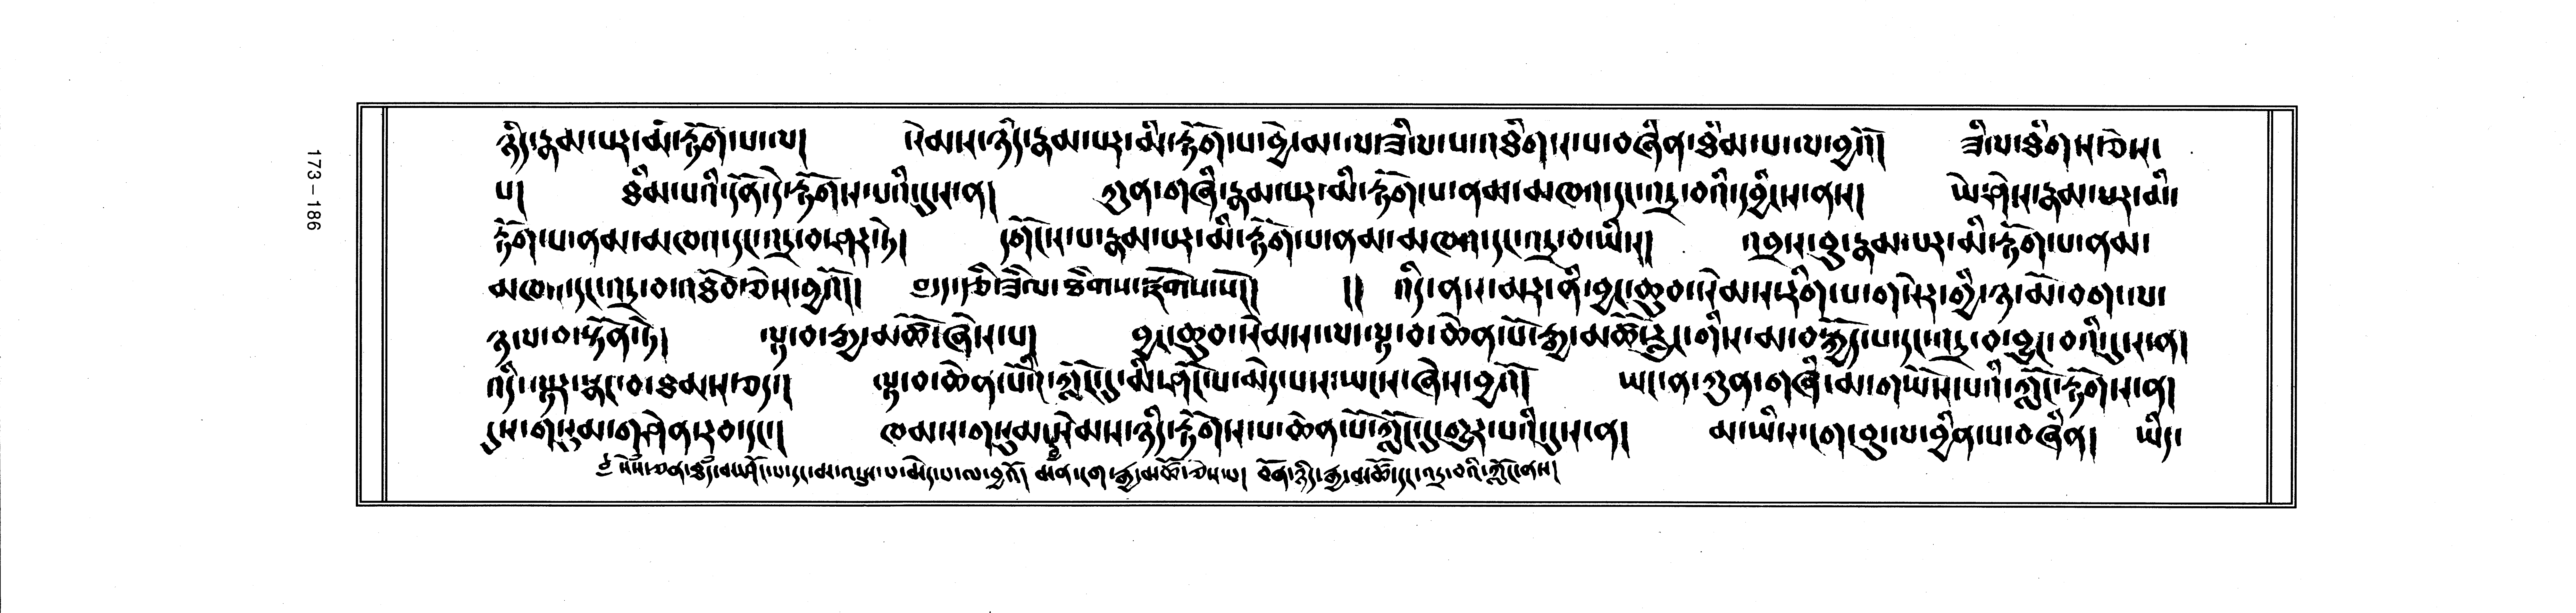ཉིད་རྣམ་པར་མི་རྟོག་པ་ལ། སེམས་ཉིད་རྣམ་པར་མི་རྟོག་པ་བྱེ་མ་ལ་ཟིལ་པ་འཐིགས་པ་བཞིན་ཐིམ་པ་ལ་བྱའོ། །ཟིལ་ཐིགས་ཅེས་
པ་ཐིམ་པའི་དུས་དེ་རྟོགས་པའི་དུས་ན། ཀུན་གཞི་རྣམ་པར་མི་རྟོག་པ་ནམ་མཁའ་དང་འདྲ་བའི་དབྱིངས་ནས། ཡེ་ཤེས་རྣམ་པར་མི་
རྟོག་པ་ནམ་མཁའ་འདྲ་བ་ཤར་ཏེ། དགོངས་པ་རྣམ་པར་མི་རྟོག་པ་ནམ་མཁའ་དང་འདྲ་བ་ཡིས། འབྲས་བུ་རྣམ་པར་མི་རྟོག་པ་ནམ་
མཁའ་དང་འདྲ་བ་འཐོབ་ཅེས་བྱའོ། །བདུད་རྩི་ཟིལ་ཐིགས་རྫོགས་སོ། ། འདི་ནས་མར་ནི་བྱང་ཆུབ་སེམས་རིག་པ་གསེར་གྱི་ཉ་མོ་བག་ལ་
ཉལ་བ་སྟོན་ཏེ། ལྟ་བ་རྒྱ་མཚོ་ཞེས་པ། བྱང་ཆུབ་སེམས་ལ་ལྟ་བ་ཆེན་པོ་རྒྱ་མཚོ་རླུང་གིས་མ་བསྐྱོད་པ་དང་འདྲ་བ་བྱུང་བའི་དུས་ན། 
འདི་ལྟར་སྣང་བ་ཐམས་ཅད། ལྟ་བ་ཆེན་པོའི་ཀློང་དུ་མི་ཤོང་པ་མེད་པས་ན་ཡངས་ཞེས་བྱའོ། །ཡང་ན་ཀུན་གཞི་མ་གཡོས་པའི་ཀློང་རྟོགས་ན། 
དུས་གསུམ་གཤེན་རབ་དང་། ཁམས་གསུམ་སེམས་ཅན་ཐམས་ཅད་མ་ཤོང་བ་དང་མ་འདུས་པ་མེད་པ་ལ་བྱའོ། །མན་ངག་རྒྱ་མཚོ་ཅེས་པ། བོན་ཉིད་རྒྱ་མཚོ་ཆེན་པོའི་ཀློང་ན། སེམས་ཉིད་རྟོགས་པ་ཆེན་པོ་ཀློང་དུ་གྱུར་པའི་དུས་ན། མ་ཡིས་ངག་བུ་ལ་བྱིན་པ་བཞིན། ཡིད་